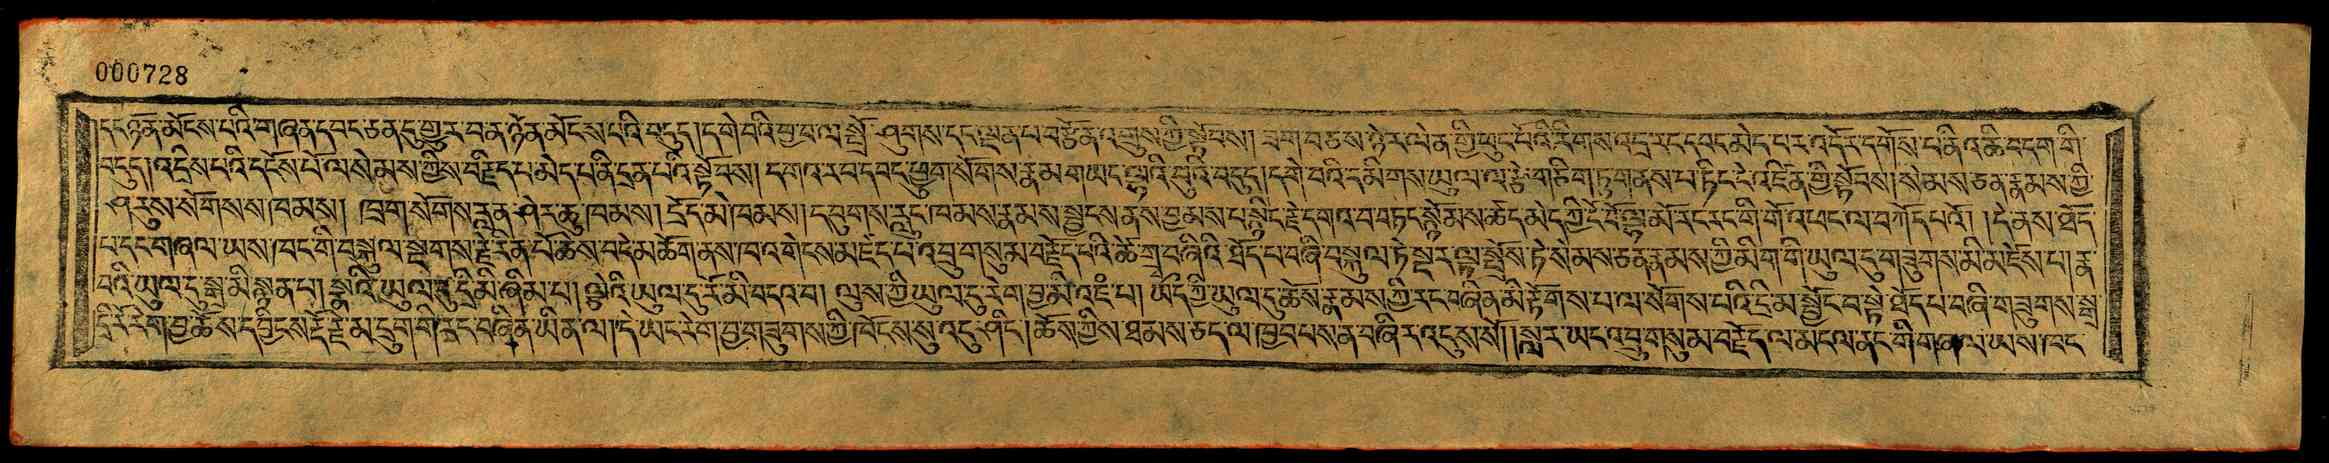དང་ཉོན་མོངས་པའི་གཞན་དབང་ཅན་དུ་གྱུར་པ་ནི་ཉོན་མོངས་པའི་བདུད། དགེ་བའི་བྱ་བ་ལ་སྤྲོ་ཤུགས་དང་ལྡན་པ་བརྩོན་འགྲུས་ཀྱི་སྟོབས། ཟག་བཅས་ཉེར་ལེན་གྱི་ཕུང་པོའི་རིགས་འདྲ་རང་དབང་མེད་པར་འདོར་དགོས་པ་ནི་འཆི་བདག་གི་
བདུད། འདྲིས་པའི་དངོས་པོ་ལ་སེམས་ཀྱིས་བརྗེད་པ་མེད་པ་ནི་དྲན་པའི་སྟོབས། དགའ་རབ་དབང་ཕྱུག་སོགས་རྣམ་གཡེང་ལྷའི་བུའི་བདུད། དགེ་བའི་དམིགས་ཡུལ་ལ་རྩེ་གཅིག་ཏུ་གནས་པ་ཏིང་ངེ་འཛིན་གྱི་སྟོབས། སེམས་ཅན་རྣམས་ཀྱི་
ཤ་རུས་སོགས་ས་ཁམས། ཁྲག་སོགས་རླན་ཤེར་ཆུ་ཁམས། དྲོད་མེ་ཁམས། དབུགས་རླུང་ཁམས་རྣམས་སྦྱངས་ནས་བྱམས་པ་སྙིང་རྗེ་དགའ་བ་བཏང་སྙོམས་ཚད་མེད་ཀྱི་ངོ་བོ་ལྷ་མོ་རང་རང་གི་གོ་འཕང་ལ་བཀོད་པའོ། །དེ་ནས་ཐོད་
པ་དང་གཞལ་ཡས་ཁང་གི་བསྐུལ་སྔགས་རྗེ་རིན་པོ་ཆེས་བདེ་མཆོག་ནས་ཁ་འགེངས་མཛད་པ་འབྲུ་གསུམ་བརྗོད་པའི་ཚེ་གྲ་བཞིའི་ཐོད་པ་བཞི་བསྐུལ་ཏེ་སྔར་ལྟར་སྤྲོས་ཏེ་སེམས་ཅན་རྣམས་ཀྱི་མིག་གི་ཡུལ་དུ་གཟུགས་མི་མཛེས་པ། རྣ་
བའི་ཡུལ་དུ་སྒྲ་མི་སྙན་པ། སྣའི་ཡུལ་དུ་དྲི་མི་ཞིམ་པ། ལྕེའི་ཡུལ་དུ་རོ་མི་འདའ་བ། ལུས་ཀྱི་ཡུལ་དུ་རེག་བྱ་མི་འཇཾ་པ། ཡིད་ཀྱི་ཡུལ་དུ་ཆོས་རྣམས་ཀྱི་རང་བཞིན་མི་རྟོགས་པ་ལ་སོགས་པའི་དྲི་མ་སྦྱོང་བ་སྟེ་ཐོད་པ་བཞི་གཟུགས་སྒྲ་
དྲི་རོ་རེག་བྱ་ཆོས་དབྱིངས་རྡོ་རྗེ་མ་དྲུག་གི་རང་བཞིན་ཡིན་ལ། དེ་ཡང་རེག་བྱ་གཟུགས་ཀྱི་ཁོངས་སུ་འདུ་ཤིང་། ཆོས་ཀྱིས་ཐམས་ཅད་ལ་ཁྱབ་པས་ན་བཞིར་འདུས་སོ། །སླར་ཡང་འབྲུ་གསུམ་བརྗོད་ལ་མངལ་ནང་གི་གཞལ་ཡས་ཁང་